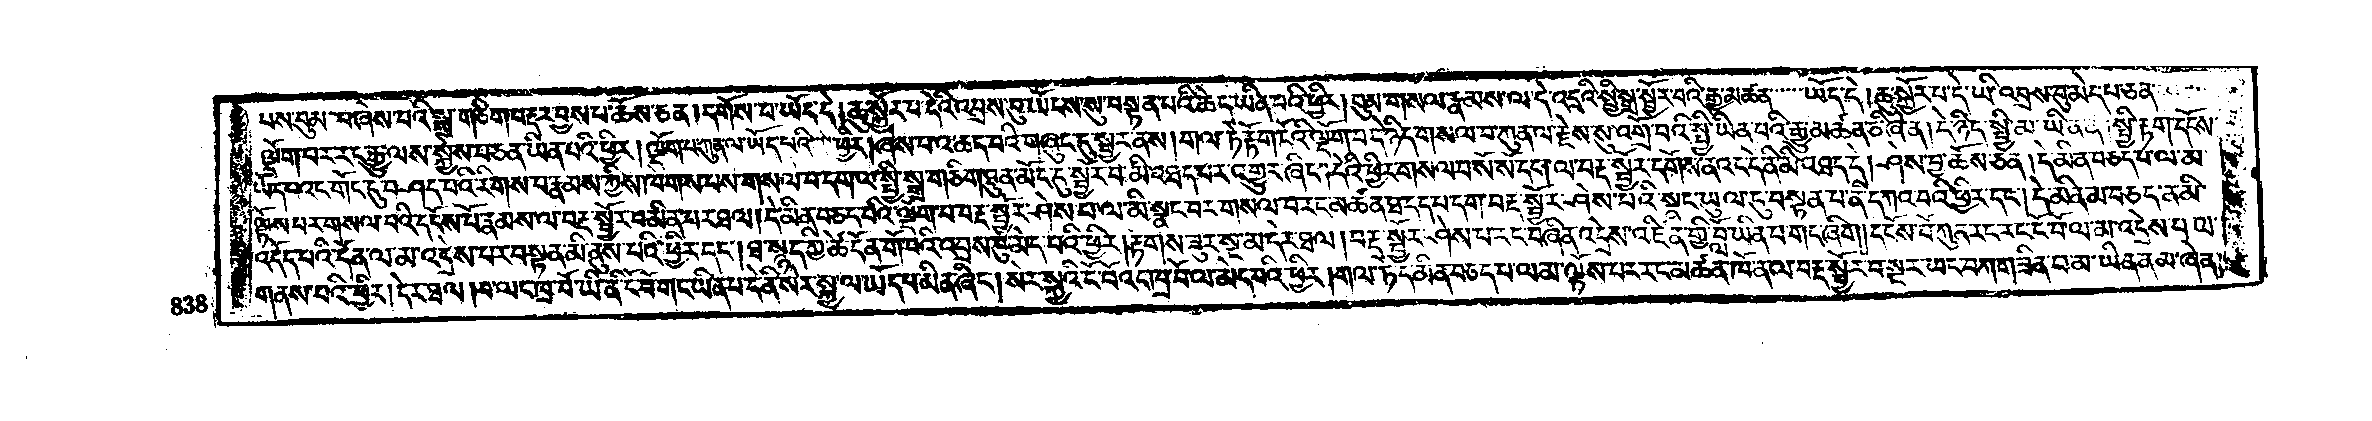པས་བུམ་པ་ཞེས་པའི་སྒྲ་གཅིག་བརྡར་བྱས་པ་ཆོས་ཅན། དགོས་པ་ཡོད་དེ། ཆུ་སྐྱོར་པ་དེའི་འབྲས་བུ་ཡོངས་སུ་བསྟན་པའི་ཆེད་ཡིན་པའི་ཕྱིར། བུམ་གསལ་རྣམས་ལ་དེ་འདྲའི་སྤྱི་སྒྲ་སྦྱོར་བའི་རྒྱུ་མཚན་ཡོད་དེ། ཆུ་སྐྱོར་པ་དེ་ཡི་འབྲས་བུ་མེད་པ་ཅན་
ལྡོག་པར་རང་རྒྱུ་ལས་སྐྱེས་པ་ཅན་ཡིན་པའི་ཕྱིར། ལྡོག་པ་ཀུན་ལ་ཡོད་པའི་ཕྱིར། ཞེས་པ་འཆད་པའི་གཞུང་དུ་སྦྱར་ནས། གལ་ཏེ་རྟོག་ངོའི་ལྡོག་པ་དེ་ཉིད་གསལ་བ་ཀུན་ལ་རྗེས་སུ་འགྲོ་བའི་སྤྱི་ཡིན་པའི་རྒྱུ་མཚན་ཅི་ཞེ་ན། དེ་ཉིད་སྤྱི་མ་ཡིན་ན། སྤྱི་རྟག་དངོས་
ཡོད་པའང་གོང་དུ་བཤད་པའི་རིགས་པ་རྣམས་ཀྱིས་ཁེགས་པས་གསལ་བ་དག་ལ་སྤྱི་སྒྲ་གཅིག་ཐུན་མོང་དུ་སྦྱོར་བ་མི་འཐད་པར་འགྱུར་ཞིང་། དེའི་ཕྱིར་གསལ་བ་སོ་སོ་དག་ལ་བརྡ་སྦྱོར་དགོས་ནའང་དེ་ནི་མི་འཐད་དེ། ཤེས་བྱ་ཆོས་ཅན། དེ་མིན་བཅད་པ་ལ་མ་
ལྟོས་པར་གསལ་བའི་དངོས་པོ་རྣམས་ལ་བརྡ་སྦྱོར་བ་མིན་པར་ཐལ། དེ་མིན་བཅད་པའི་ལྡོག་པ་བརྡ་སྦྱོར་ཤེས་པ་ལ་མི་སྣང་བར་གསལ་བ་རང་མཚན་ཐ་དད་པ་དག་བརྡ་སྦྱོར་ཤེས་པའི་སྣང་ཡུལ་དུ་བསྟན་པ་ནི་དཀའ་བའི་ཕྱིར་དང་། དེ་མིན་མ་བཅད་ན་མི་
འདོད་པའི་དོན་ལ་མ་འདྲེས་པར་བསྟན་མི་ནུས་པའི་ཕྱིར་དང་། ཐ་སྙད་ཀྱི་ཚེ་དོན་གོ་བའི་འབྲས་བུ་མེད་པའི་ཕྱིར། རྟགས་ཟུར་སྔ་མ་དེར་ཐལ། བརྡ་སྦྱོར་ཤེས་པ་རང་བཞིན་འདྲེས་འཛིན་གྱི་བློ་ཡིན་པ་གང་ཞིག །དངོས་པོ་ཀུན་རང་རང་ངོ་བོ་ལ་མ་འདྲེས་པ་ལ་
གནས་པའི་ཕྱིར། དེར་ཐལ། བ་ལང་ཁྲ་བོ་ཡི་ནི་ངོ་བོ་གང་ཡིན་པ་དེ་ནི་སེར་སྐྱ་ལ་ཡོད་པ་མིན་ཞིང་། སེར་སྐྱའི་ངོ་བོའང་ཁྲ་བོ་ལ་མེད་པའི་ཕྱིར། གལ་ཏེ་ད་མིན་བཅད་པ་ལ་མ་ལྟོས་པར་རང་མཚན་ཁོ་ན་ལ་བརྡ་སྦྱོར་བ་སྔར་ཡང་བཀག་ཟིན་པ་མ་ཡིན་ནམ་ཞེ་ན།